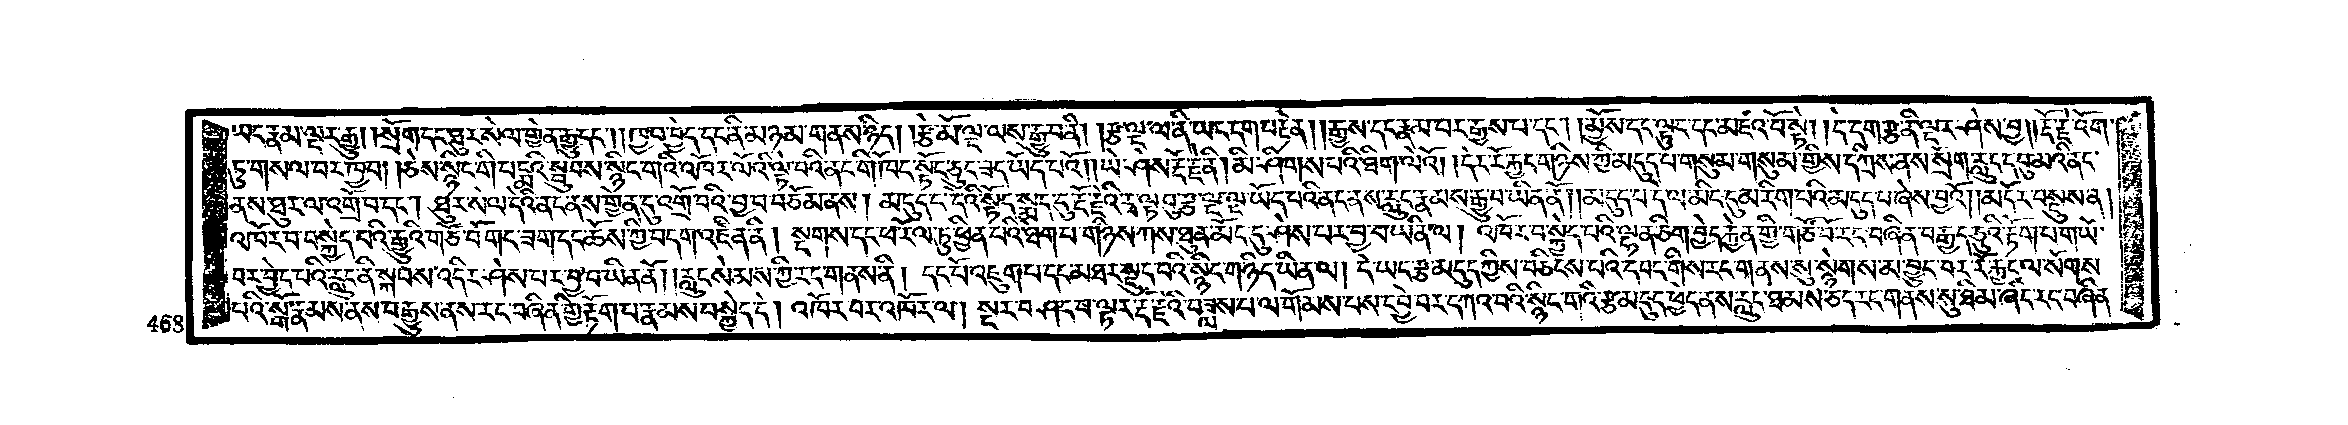ཡང་རྣམ་ལྔར་རྒྱུ། །སྲོག་དང་ཐུར་སེལ་གྱེན་རྒྱུ་དང་། །ཁྱབ་བྱེད་དང་ནི་མཉམ་གནས་ཉིད། །རྩེ་མོ་ལྔ་ལས་རྒྱུ་བ་ནི། །རྩ་ལྔ་ལ་ནི་ཡང་དག་བརྟེན། །རྒྱས་དང་རྣམ་པར་རྒྱས་པ་དང་། །མྱོས་དང་ལྟུང་དང་མཛའ་བོ་སྟེ། །དེ་དག་རྩ་ནི་ལྔར་ཤེས་བྱ། །རྡོ་རྗེ་འོག་
ཏུ་གསལ་བར་ཁྱབ། །ཅེས་སྙིང་གི་པདམའི་སྦུབས་སྙིང་གའི་འཁོར་ལོའི་ལྟེ་བའི་ནང་གི་ཁོང་སྟོང་ཅུང་ཟད་ཡོད་པའོ། །ཡེ་ཤེས་རྡོ་རྗེ་ནི། མི་ཤིགས་པའི་ཐིག་ལེའོ། །དེར་རོ་རྐྱང་གཉིས་ཀྱི་མདུད་པ་གསུམ་གསུམ་གྱིས་དཀྲིས་ནས་སྲོག་རླུང་དབུ་མའི་ནང་
ནས་ཐུར་ལ་འགྲོ་བ་དང་། ཐུར་སེལ་དེའི་ནང་ནས་གྱེན་དུ་འགྲོ་བའི་བྱ་བ་བཅོམ་ནས། མདུད་པ་དེའི་སྟོད་སྨད་དུ་རྡོ་རྗེའི་རྭ་ལྟ་བུ་རྩ་ལྔ་ལྔ་ཡོད་པའི་ནང་ནས་རླུང་རྣམས་རྒྱུ་བ་ཡིན་ནོ། །མདུད་པ་དེ་ལ་མིང་དུ་མ་རིག་པའི་མདུད་པ་ཞེས་བྱའོ། །མདོར་བསྡུས་ན།
འཁོར་བ་བསྐྱེད་པའི་རྒྱུའི་གཙོ་བོ་གང་ཟག་དང་ཆོས་ཀྱི་བདག་འཛིན་ནི། སྔགས་དང་ཕ་རོལ་ཏུ་ཕྱིན་པའི་ཐེག་པ་གཉིས་ཀས་ཐུན་མོང་དུ་ཤེས་པར་བྱ་བ་ཡིན་ལ། འཁོར་བ་སྐྱེད་པའི་ལྷན་ཅིག་བྱེད་རྐྱེན་གྱི་གཙོ་བོ་རང་བཞིན་བརྒྱད་ཅུའི་རྟོག་པ་གཡོ་
བར་བྱེད་པའི་རླུང་ནི་སྐབས་འདིར་ཤེས་པར་བྱ་བ་ཡིན་ནོ། །རླུང་སེམས་ཀྱི་རང་གནས་ནི། དང་པོ་འཇུག་པ་དང་མཐར་སྡུད་པའི་སྙིང་གཉིད་ཡིན་ལ། དེ་ཡང་རྩ་མདུད་ཀྱིས་བཅིངས་པའི་དབང་གིས་རང་གནས་སུ་སྙེགས་མ་བྱུང་བར་རོ་རྐྱང་ལ་སོགས་
པའི་སྒོ་རྣམས་ནས་བརྒྱུས་ནས་རང་བཞིན་གྱི་རྟོག་པ་རྣམས་བསྐྱེད་དེ། འཁོར་བར་འཁོར་ལ། སྔར་བཤད་པ་ལྟར་རྡོ་རྗེའི་བཟླས་པ་ལ་གོམས་པས་དབྱེ་བར་དཀའ་བའི་སྙིང་གའི་རྩ་མདུད་ཕྱེད་ནས་རླུང་ཐམས་ཅད་རང་གནས་སུ་ཐིམ་ཞིང་རང་བཞིན་